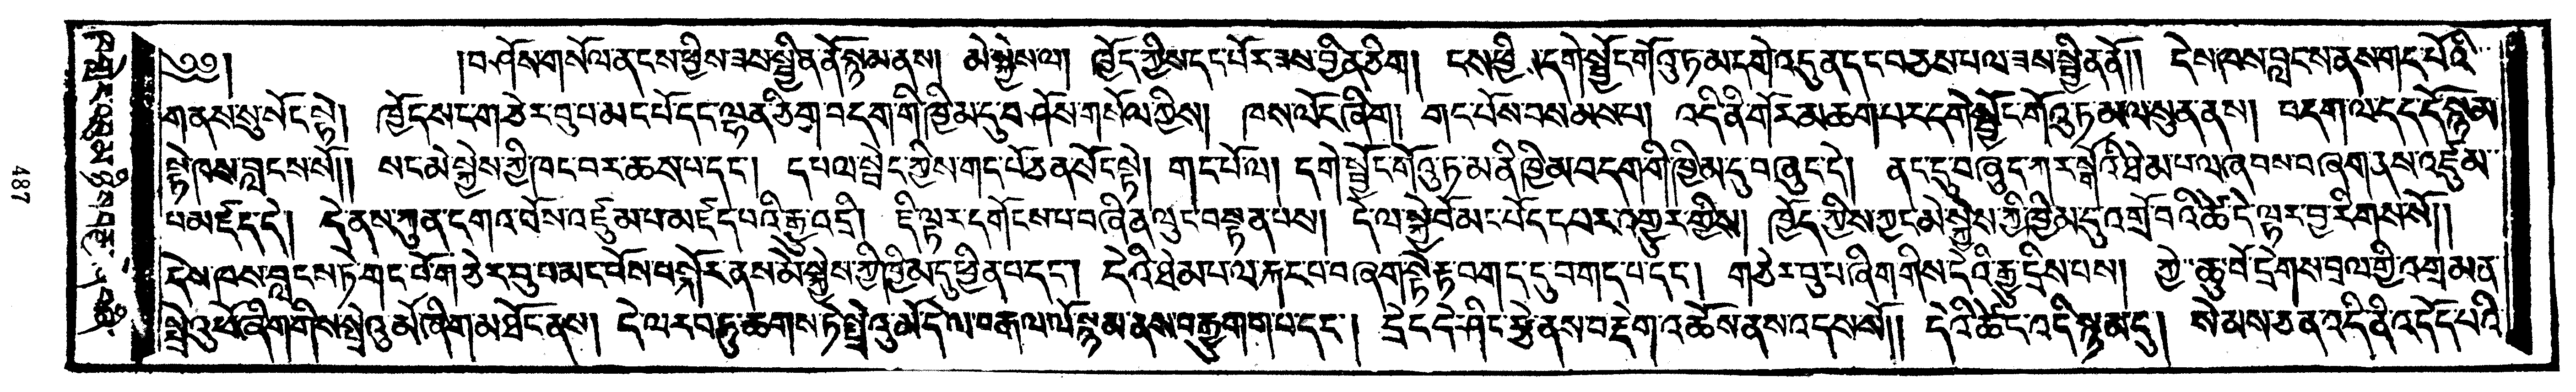༄༅། །བཤོས་གསོལ་ན་ངས་ཕྱིས་ཟས་སྦྱིན་ནོ་སྙམ་ནས། མེ་སྐྱེས་ལ། ཁྱོད་ཀྱིས་དང་པོར་ཟས་བྱིན་ཅིག། ངས་ཕྱིས་དགེ་སྦྱོང་གོའུ་ཏ་མ་དགེ་འདུན་དང་བཅས་པལ་ཟས་སྦྱིན་ནོ།། དེས་ཁས་བླངས་ནས་གང་པོའི་
གནས་སུ་སོང་སྟེ། ཁྱོད་སང་གཅེར་བུ་པ་མང་པོ་དང་ལྷན་ཅིག་བདག་གི་ཁྱིམ་དུ་བཤོས་གསོལ་ཀྱིས། ཁས་ལོང་ཞིག། གང་པོས་བསམས་པ། འདི་ནི་གོར་མཆག་པར་དགེ་སྦྱོང་གོའུ་ཏ་མ་ལ་སུན་ནས། བདག་ལ་དད་དོ་སྙམ་
སྟེ་ཁས་བླངས་སོ།། སང་མེ་སྐྱེས་ཀྱི་ཁང་བར་ཆས་པ་དང་། དཔལ་སྦེང་ཀྱིས་གང་པོ་ཅན་སོང་སྟེ། གང་པོ་ལ། དགེ་སྦྱོང་གོའུ་ཏ་མ་ནི་ཁྱིམ་བདག་གི་ཁྱིམ་དུ་བཞུང་དེ། ནང་དུ་བཞུད་ཀར་སྒོའི་ཐེམ་པ་ལ་ཞབས་བཞག་ནས་འཛུམ་
པ་མཛད་དེ། དེ་ནས་ཀུན་དགའ་བོས་འཛུམ་པ་མཛད་པའི་རྒྱུ་འདྲི། ཇི་ལྟར་དགོངས་པ་བཞིན་ལུང་བསྟན་པས། དེ་ལ་སྐྱེ་བོ་མང་པོ་དད་པར་འགྱུར་གྱིས། ཁྱོད་ཀྱིས་ཀྱང་མེ་སྐྱེས་ཀྱི་ཁྱིམ་དུ་འགྲོ་བའི་ཚེ་དེ་ལྟར་བྱ་རིགས་སོ།།
དེས་ཁས་བླངས་ཏེ་གང་བོ་གཅེར་བུ་པ་མང་བོས་བསྐོར་ནས་མེ་སྐྱེས་ཀྱི་ཁྱིམ་དུ་ཕྱིན་པ་དང་། དེའི་ཐེམ་པ་ལ་རྐང་པ་བཞག་སྟེ་རྟ་བགད་དུ་བགད་པ་དང་། གཅེར་བུ་པ་ཞིག་གིས་དེའི་རྒྱུ་དྲིས་པས། ཀྱེ་ཆུ་བོ་དྲེགས་བྲལ་གྱི་འགྲམ་ན་
སྤྲེའུ་ཕོ་ཞིག་གིས་སྤྲེའུ་མོ་ཞིག་མཐོང་ནས། དེ་ལ་རབ་ཏུ་ཆགས་ཏེ་སྤྲེའུ་མོ་དེ་ལ་བརྒལ་ལོ་སྙམ་ནས་བརྒྱུག་ག་པ་དང་། དྲེང་དེ་ཤིང་རྩེ་ནས་བརྡེག་འཆོས་ནས་འདས་སོ།། དེའི་ཚེང་འདི་སྙམ་དུ། སེམས་ཅན་འདི་ནི་འདོད་པའི་